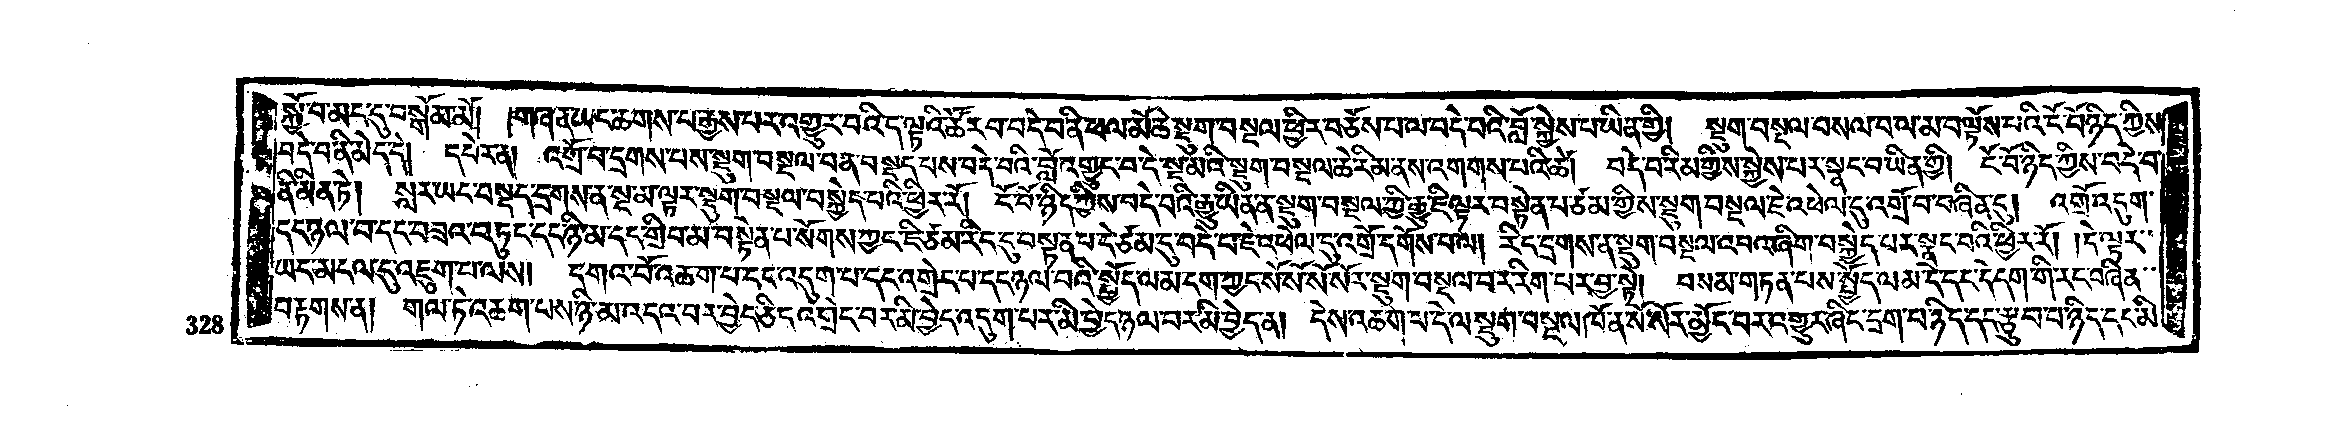སྐྱོ་བ་མང་དུ་བསྒོམ་མོ། །གཞན་ཡང་ཆགས་པ་རྒྱས་པར་འགྱུར་བའི་ད་ལྟའི་ཚོར་བ་བདེ་བ་ནི་ཕལ་མོ་ཆེ་སྡུག་བསྔལ་ཕྱིར་བཅོས་པ་ལ་བདེ་བའི་བློ་སྐྱེས་པ་ཡིན་གྱི། སྡུག་བསྔལ་བསལ་བ་ལ་མ་བལྟོས་པའི་ངོ་བོ་ཉིད་ཀྱིས་
བདེ་བ་ནི་མེད་དེ། དཔེར་ན། འགྲོ་བ་དྲགས་པས་སྡུག་བསྔལ་བ་ན་བསྡད་པས་བདེ་བའི་བློ་འབྱུང་བ་དེ་སྔ་མའི་སྡུག་བསྔལ་ཆེ་རིམ་ནས་འགགས་པའི་ཚེ། བདེ་བ་རིམ་གྱིས་སྐྱེས་པར་སྣང་བ་ཡིན་གྱི། ངོ་བོ་ཉིད་ཀྱིས་བདེ་བ་
ནི་མིན་ཏེ། སླར་ཡང་བསྡད་དྲགས་ན་སྔ་མ་ལྟར་སྡུག་བསྔལ་བསྐྱེད་པའི་ཕྱིར་རོ། །ངོ་བོ་ཉིད་ཀྱིས་བདེ་བའི་རྒྱུ་ཡིན་ན་སྡུག་བསྔལ་གྱི་རྒྱུ་ཇི་ལྟར་བསྟེན་པ་ཙམ་གྱིས་སྡུག་བསྔལ་ཇེ་འཕེལ་དུ་འགྲོ་བ་བཞིན་དུ། འགྲོ་འདུག་
དང་ཉལ་བ་དང་བཟའ་བཏུང་དང་ཉི་མ་དང་གྲིབ་མ་བསྟེན་པ་སོགས་ཀྱང་ཇི་ཙམ་རིང་དུ་བསྟེན་པ་དེ་ཙམ་དུ་བདེ་བ་ཇེ་འཕེལ་དུ་འགྲོ་དགོས་པ་ལ། རིང་དྲགས་ན་སྡུག་བསྔལ་འབའ་ཞིག་བསྐྱེད་པར་སྣང་བའི་ཕྱིར་རོ། །དེ་ལྟར་
ཡང་མངལ་དུ་འཇུག་པ་ལས། དགའ་བོ་འཆག་པ་དང་འདུག་པ་དང་འགྲེང་བ་དང་ཉལ་བའི་སྤྱོད་ལམ་དག་ཀྱང་སོ་སོ་སོ་སོར་སྡུག་བསྔལ་བར་རིག་པར་བྱ་སྟེ། བསམ་གཏན་པས་སྤྱོད་ལམ་དེ་དང་དེ་དག་གི་རང་བཞིན་
བརྟགས་ན། གལ་ཏེ་འཆག་པས་ཉི་མ་འདའ་བར་བྱེད་ཅིང་འགྲེང་བར་མི་བྱེད་འདུག་པར་མི་བྱེད་ཉལ་བར་མི་བྱེད་ན། དེས་འཆག་པ་དེ་ལ་སྡུག་བསྔལ་ཁོ་ན་སོ་སོར་མྱོང་བར་འགྱུར་ཞིང་དྲག་པ་ཉིད་དང་རྩུབ་པ་ཉིད་དང་མི་